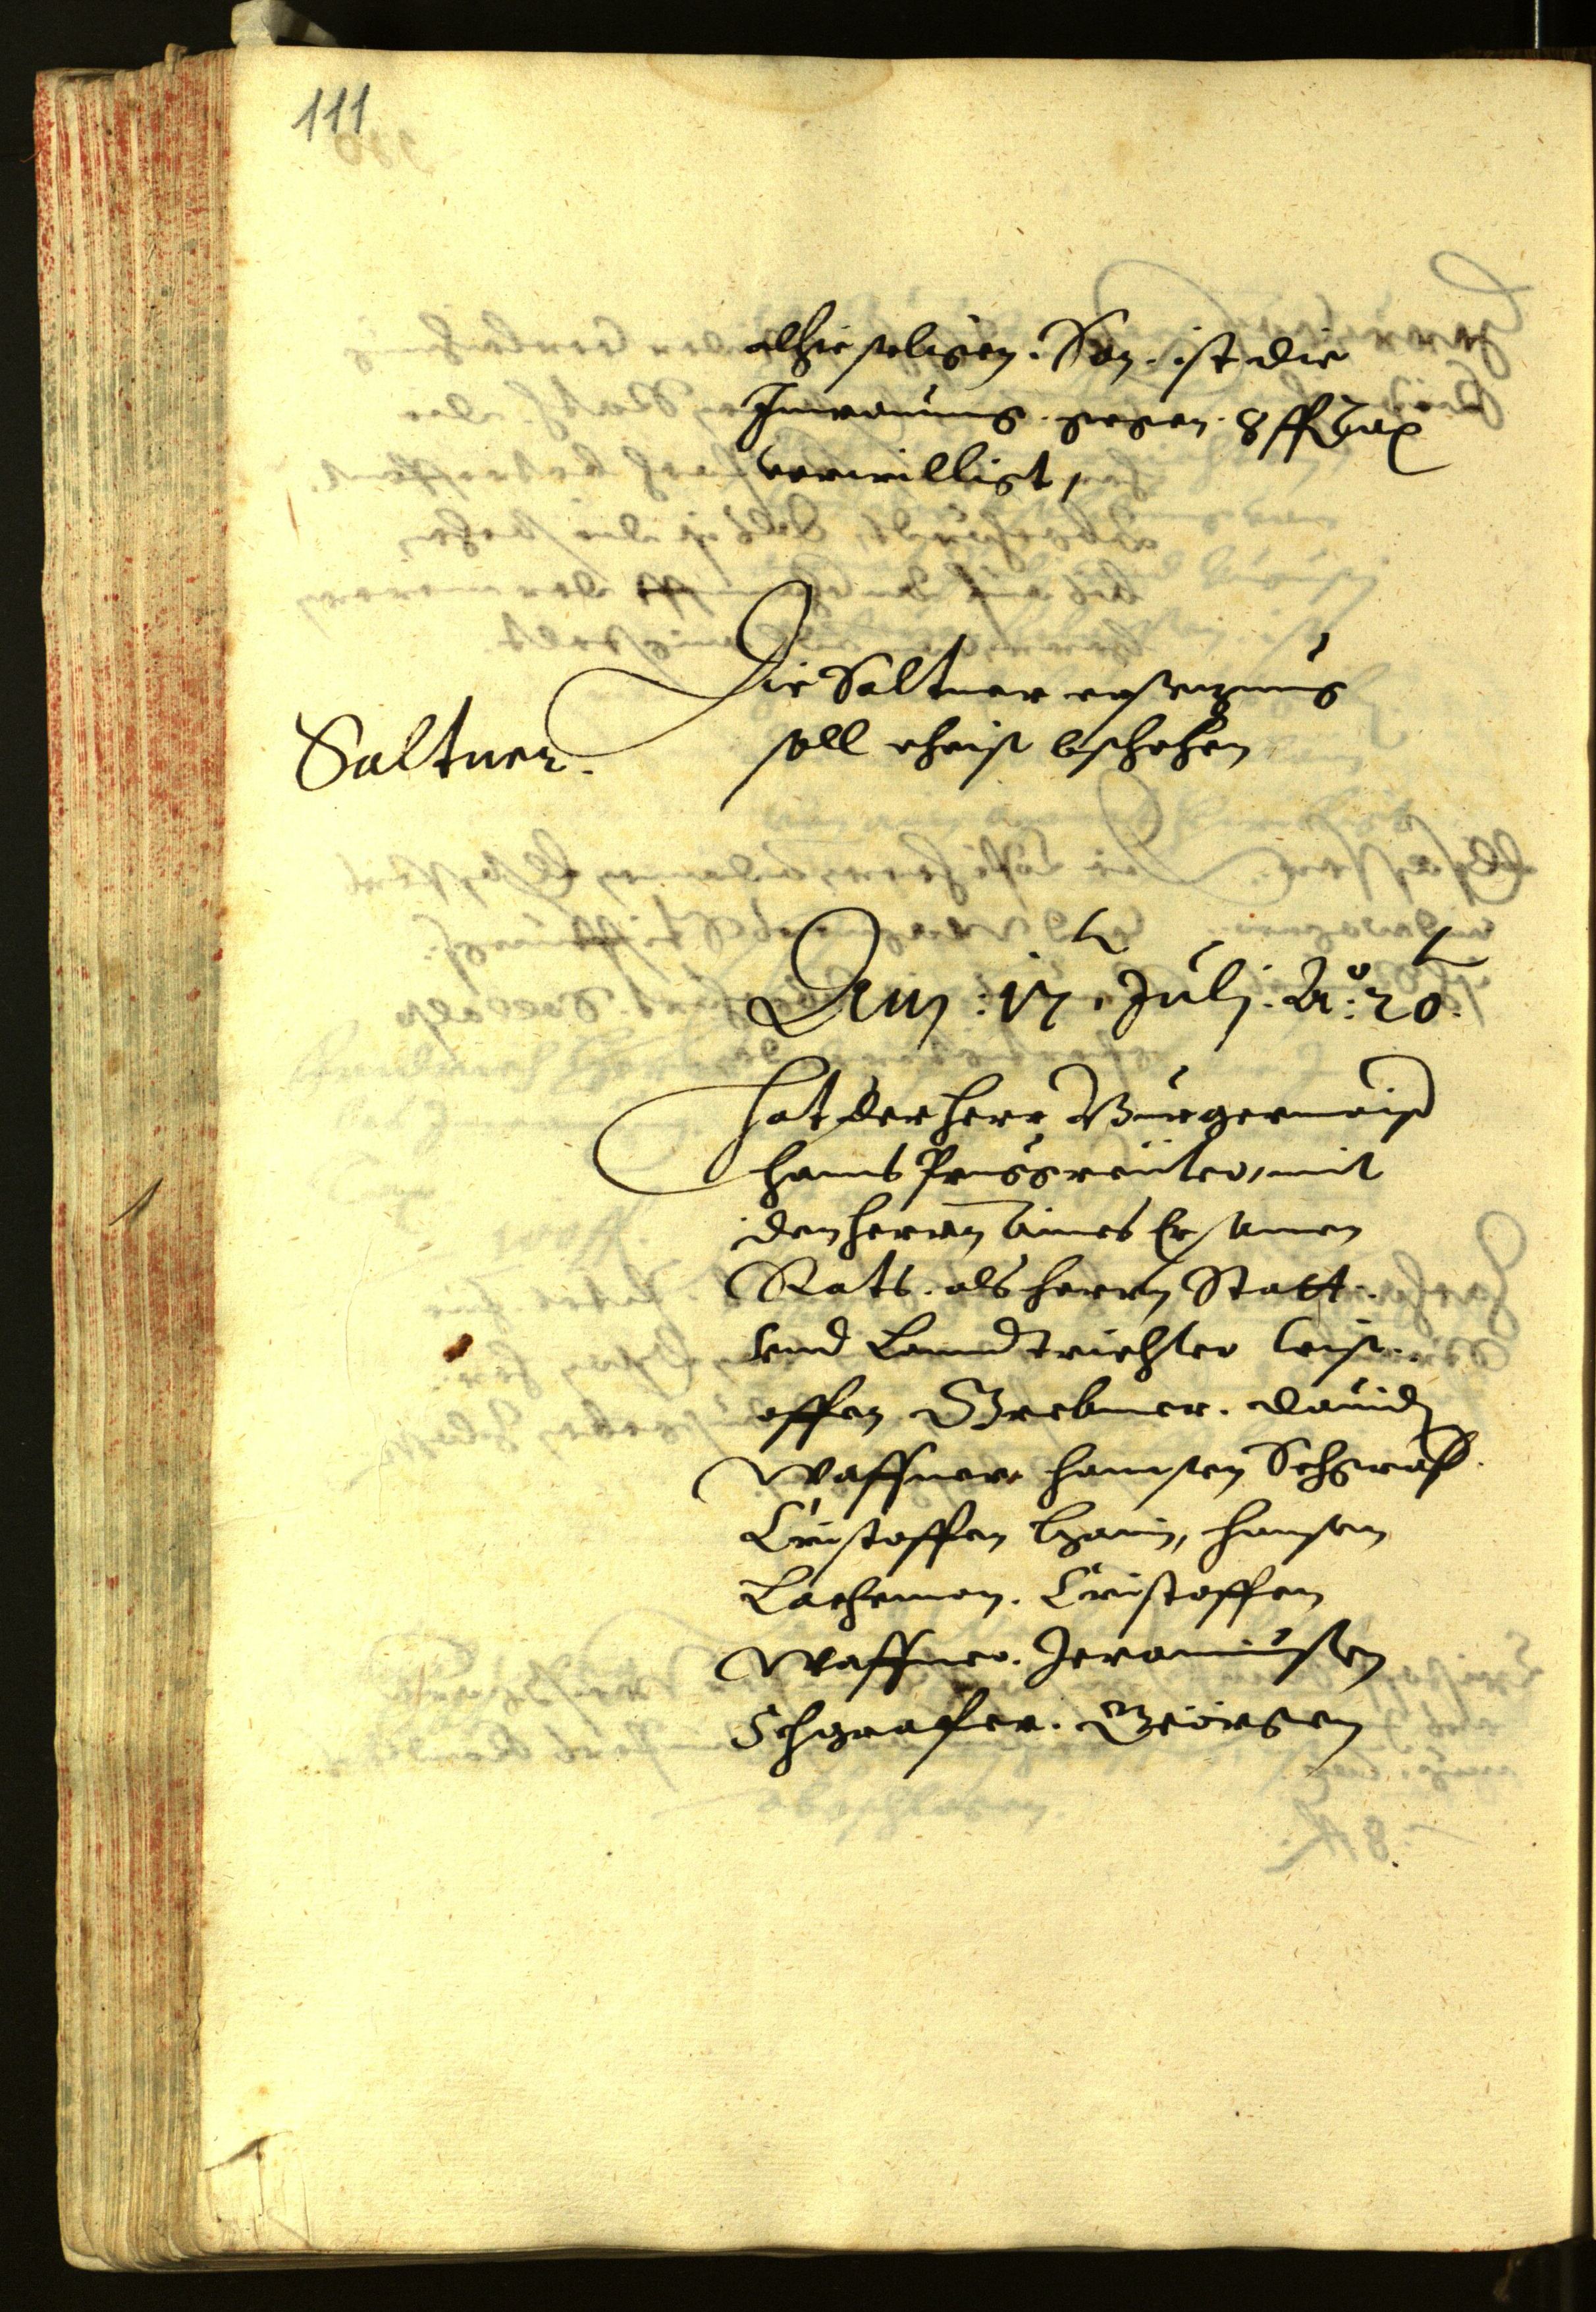111
alhie seligen. Son. ist die
Inwonūng. gegen. 8 fl Tax
verwilligt,
Die Saltner ersezūng
soll eheist bschehen
Saltner.
t
Am: 17. Jūlj. Ao: 20.t
hat der herr Būrgermaist
hanns Prūggreüter, mit
den herrn Aines Ersamen
Rats. als herrn Statt¬
vnd Lanndtrichter Crist¬
offen Grebmer. Daūiden
Waffner. hannsen Schgraf.
Cristoffen Haim, hannsen
Locheman. Cristoffen
Waffner. Jeronimūsen
Schgrafer. Geörgen